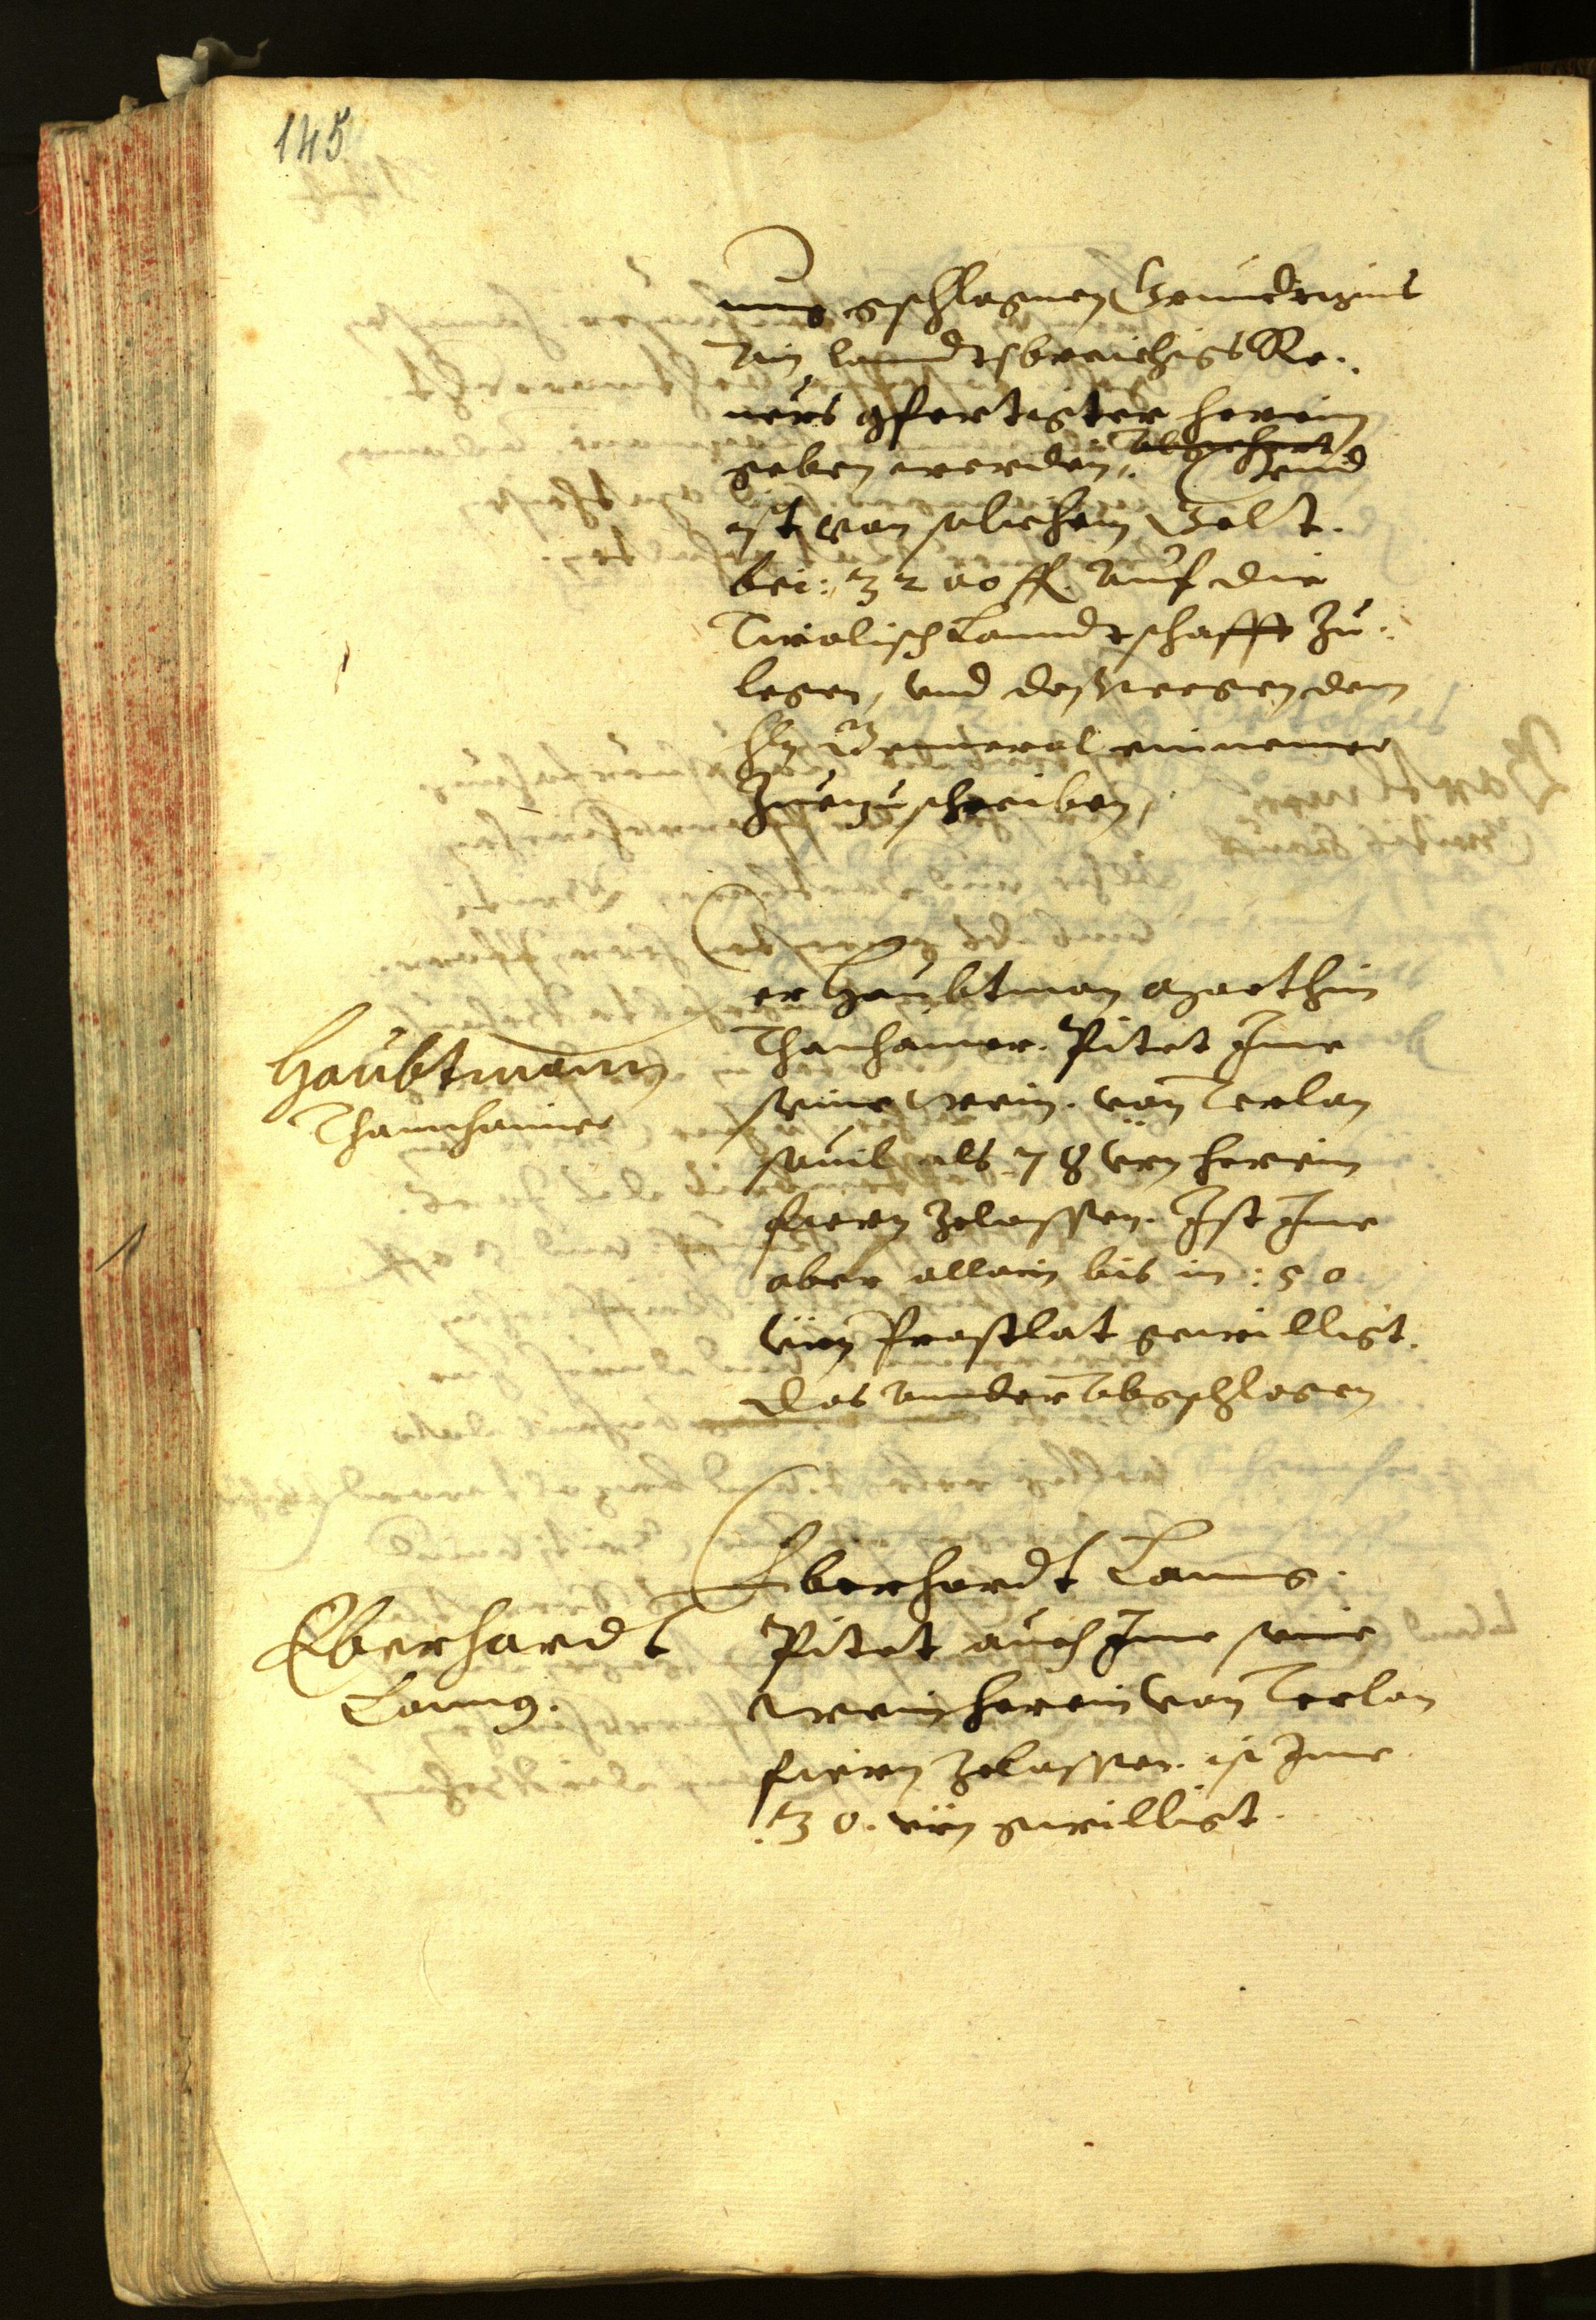145
ūng gschlagnen Grūndzins
Ain lanndtsbreichigs Re¬
vers gfertigter herein
: Abgehort
geben werden. Vnd
ist von solichem Gelt.
bei: 3200 fl. Aūf die
Tirolisch Lanndtschafft Zū¬
legen, vnd deßwegen dem
hln Genneral einnemer
Zūezūschreiben,
Der Haūbtman Marthin
Thanhaimer. Pitet Ime
seine wein. von Terlan
soūil als 78 v̈rn herein
fiern Zelassen. Ist Ime
aber allain bis in: 50
v̈rn Prostlat gewilligt.
das Annder Abgschlagen
Haūbtmann
Thannhaimer
Eberhardt Lanng.
Pitet aūch Ime seine
wein herein von Terlan
fiern Zelassen. ist Ime
.30. v̈rn gewilligt.
Eberhardt
Lanng.